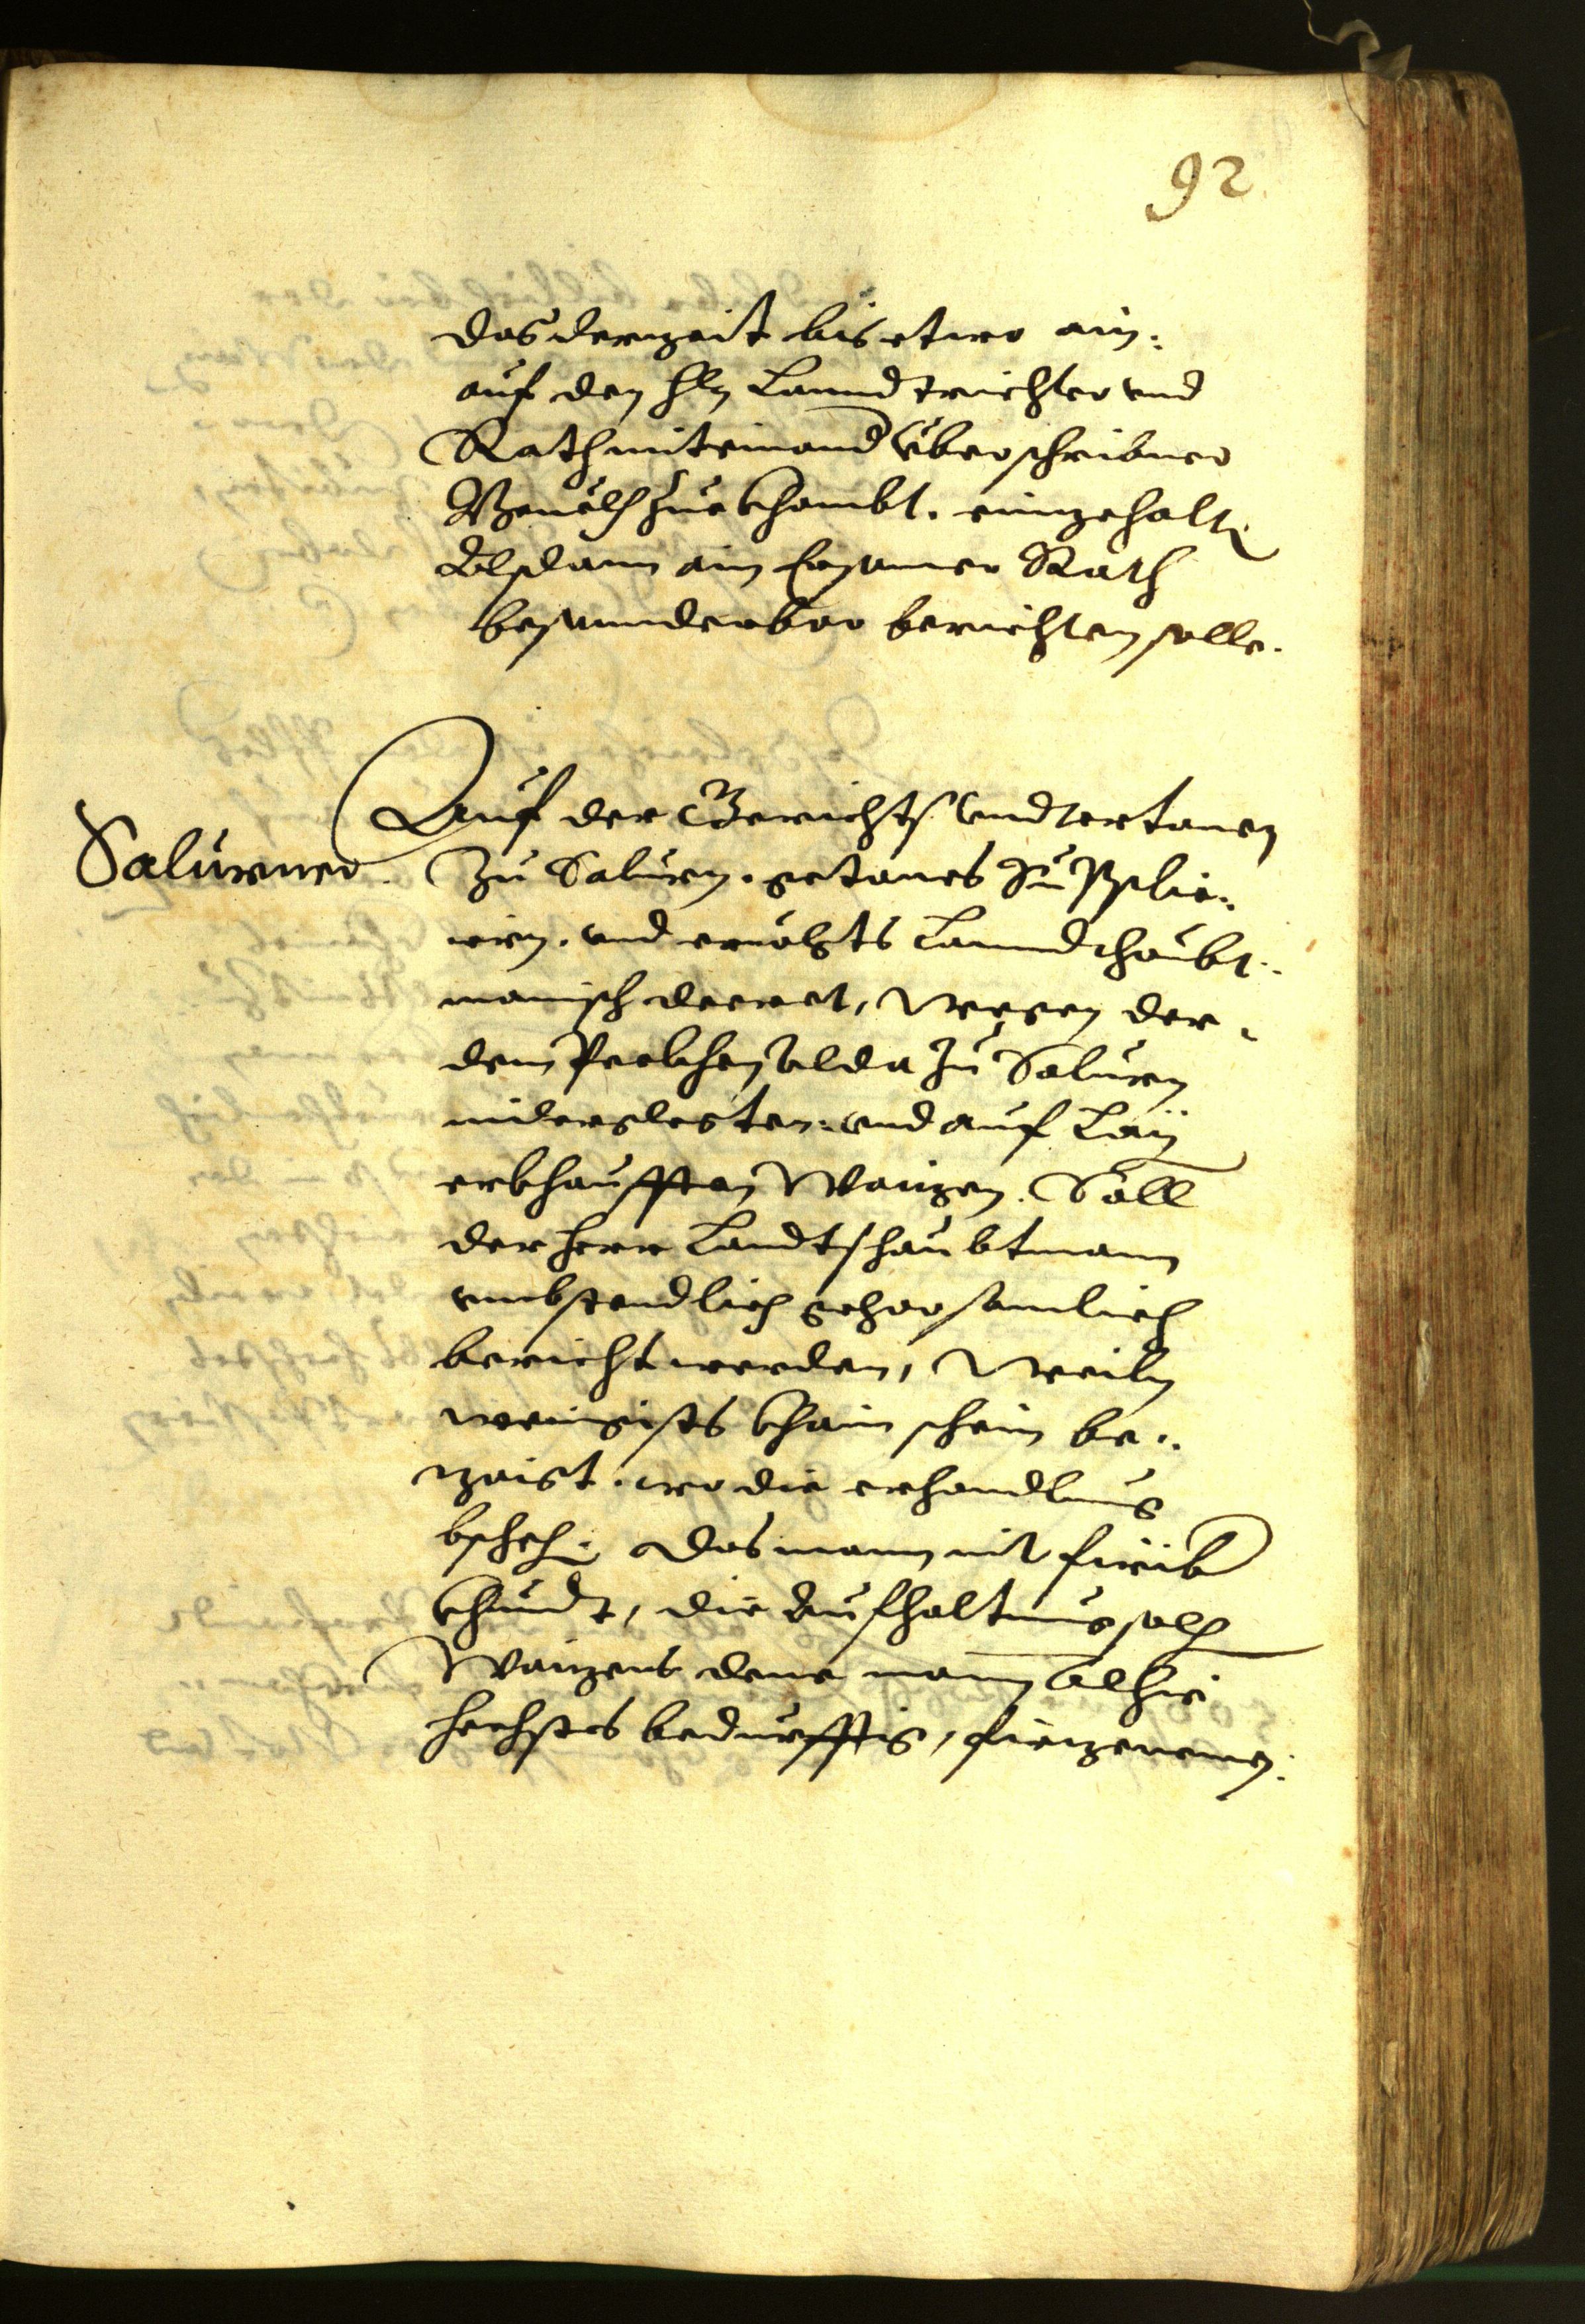92
das derzeit bis etwa ain:
aūf den hln Lanndtrichter vnd
Rath miteinand v̄berschribner
Beūelh Zūe khombt. einzehalt.
Alsdann ain Ersamer Rath
besonnderbar berichten solle.
Aūf der Gerichts vndtertanen
Zū Salūrn. getanes SūPplic¬
iern. vnd ervolgts Lanndthaūbt¬
manisch decret, Wegen der
dem Peckhen Alda Zū Salūrn
niderglegten: vnd aūf Laÿ
erkhaūfften Waizen. Soll
der herr Landtshaūbtmann
vmbstendlich gehorsamlich
bericht werden, Weiln
wenigists khain schein be¬
zaigt. wo die erhandlūng
bscheh. Das mann nit firib
khūndt, die Aūfhaltūng solh
Waizens deme mann Alhie
hechstes bedūrfftig firzenemen.
Salūrner.